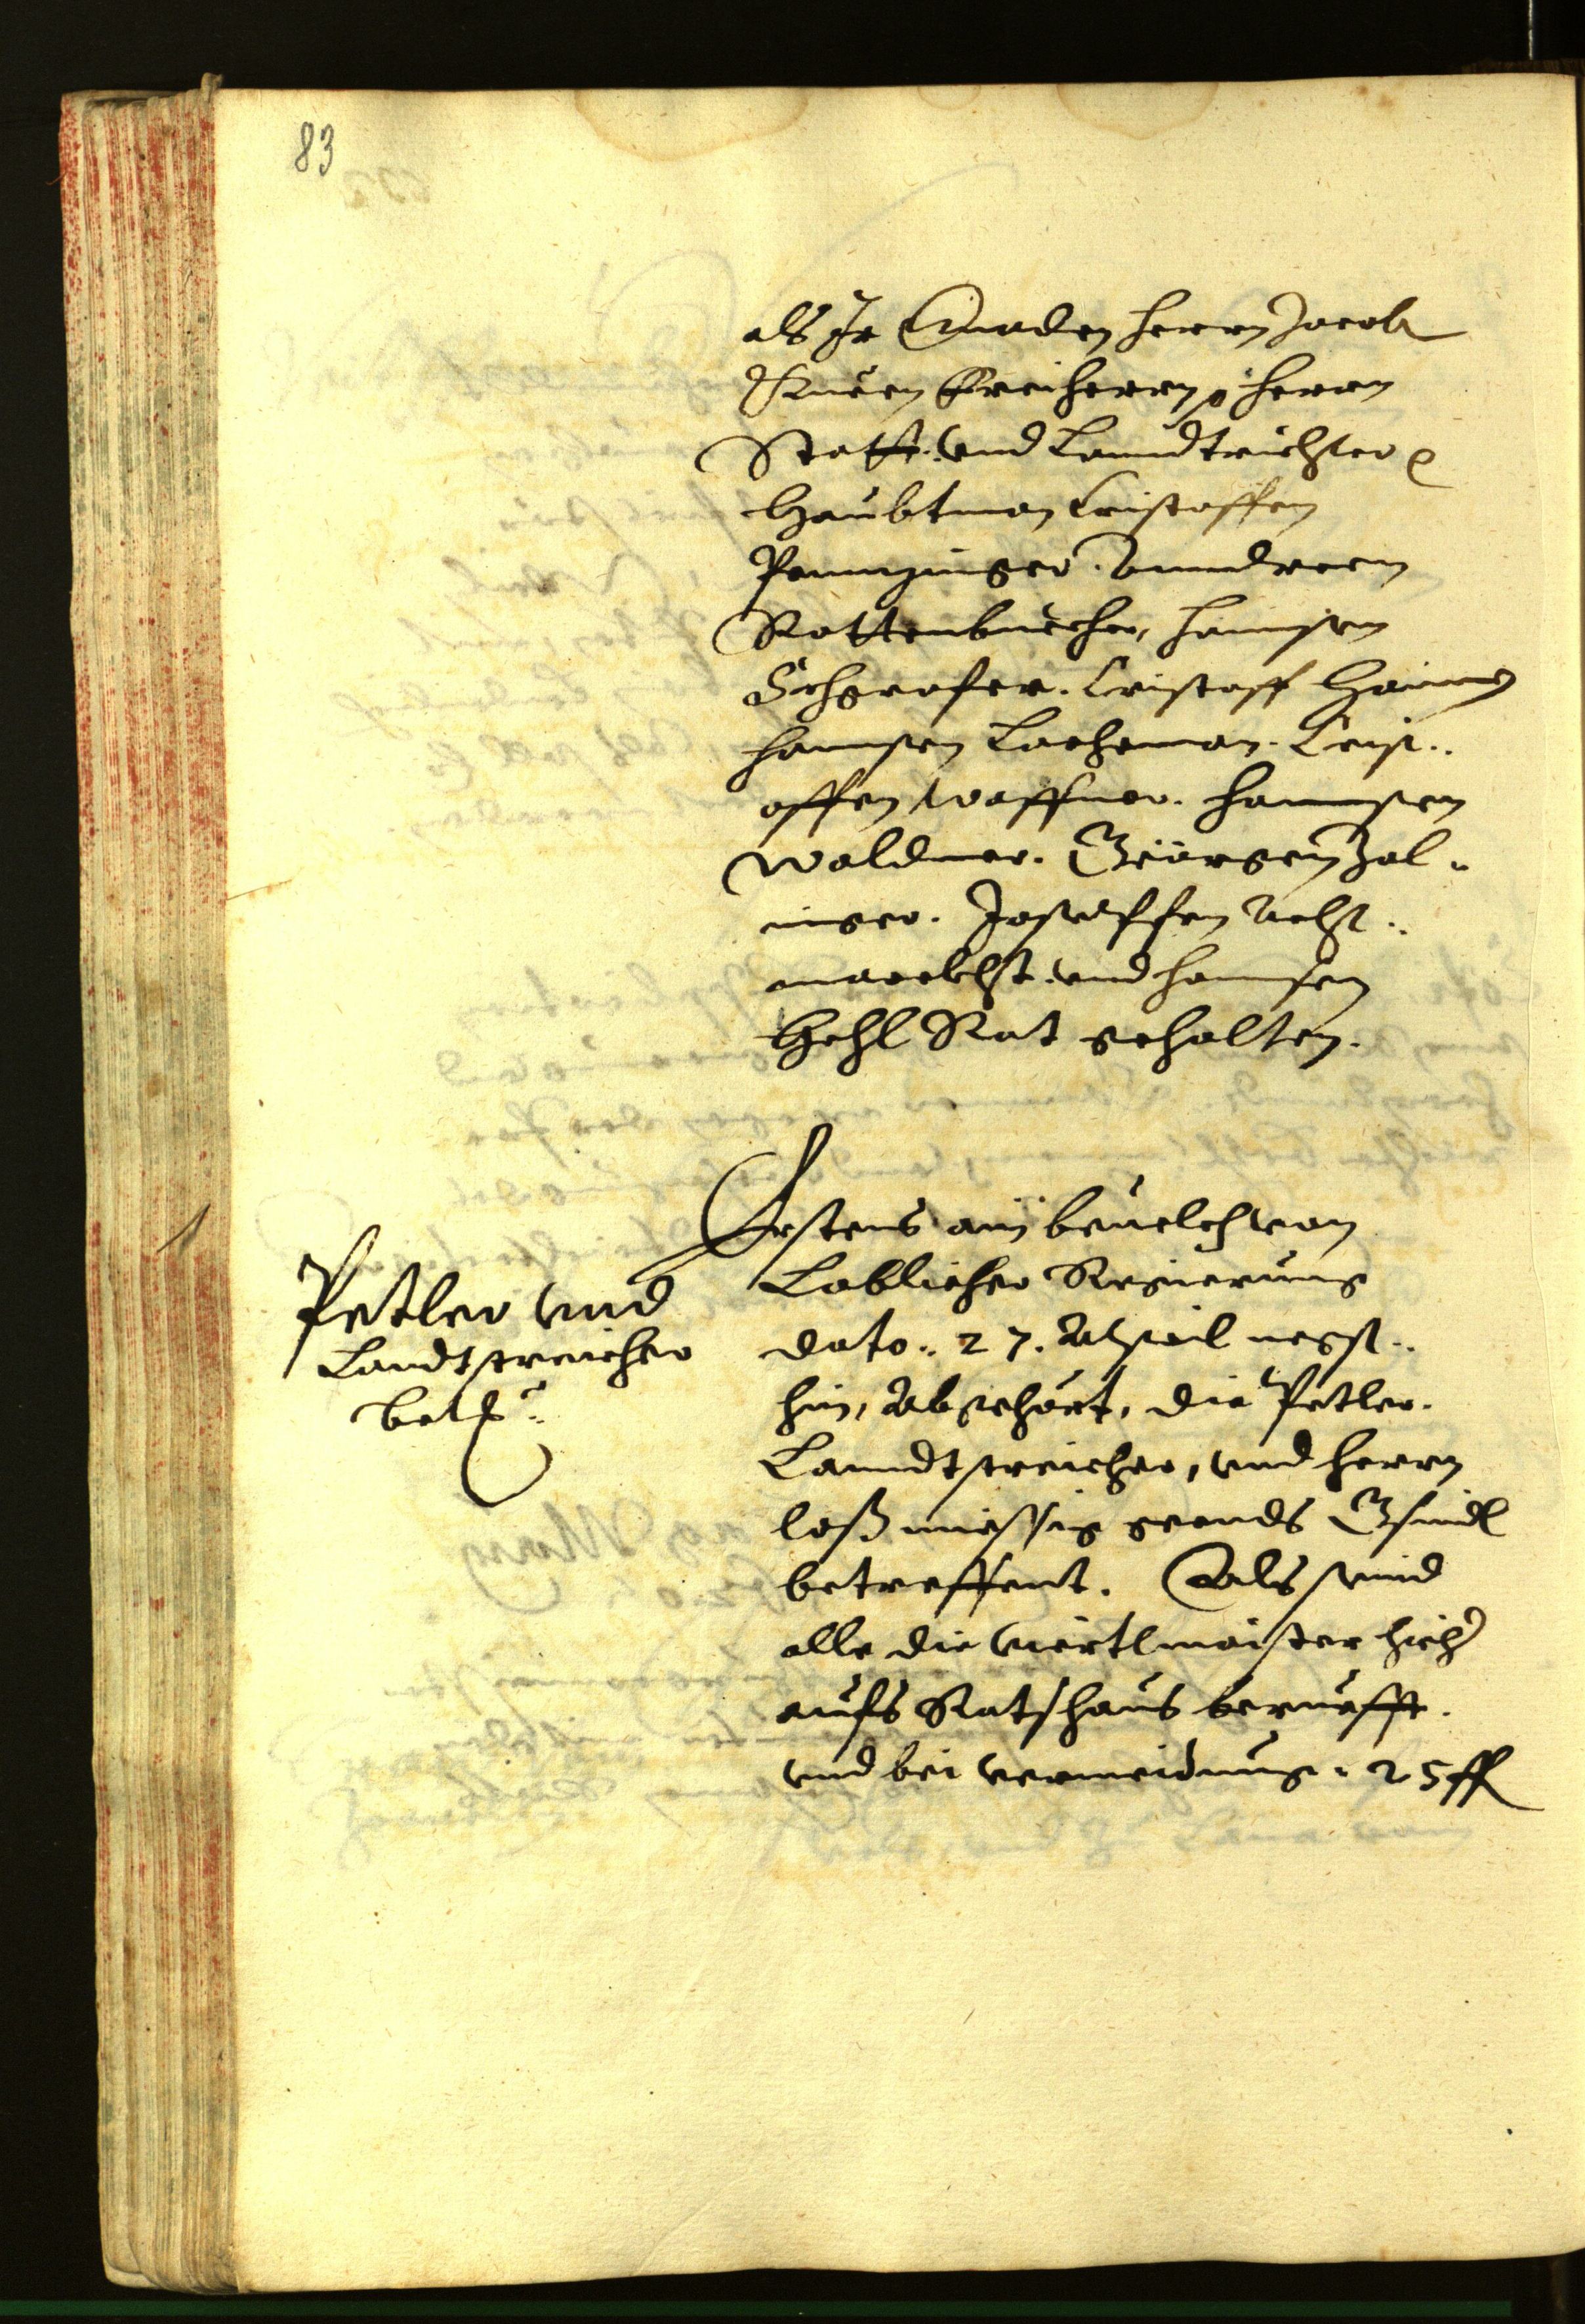83
als Ir Gnaden herrn Jacob
Kūeen Freiherrn etc herrn
Statt: vnd Lanndtrichter etc
Haūbtman Cristoffen
Pennzinger. Anndreen
Rottenbūecher, hannsen
Schgrafer. Cristoff Haimen
hannsen Locheman. Crist¬
offen Waffner. hannsen
Waldner. Geörgen Zal¬
inger. Joseffen Acht¬
marckht. vnd hannsen
Hehl Rat gehalten.
Erstens ain beūelch von
Loblicher Regierūng
dato: 27. April negst¬
hin, Abgehōrt. die Petler.
Lanndtstreicher, vnd herrn
loß miessig geends Gsindl
betreffent. Als seind
alle die Viertlmaister hieh
aūfs Ratshaūs berūefft.
vnd bei vermeidūng: 25 fl
Petler vnd
Landtstreicher
bet: